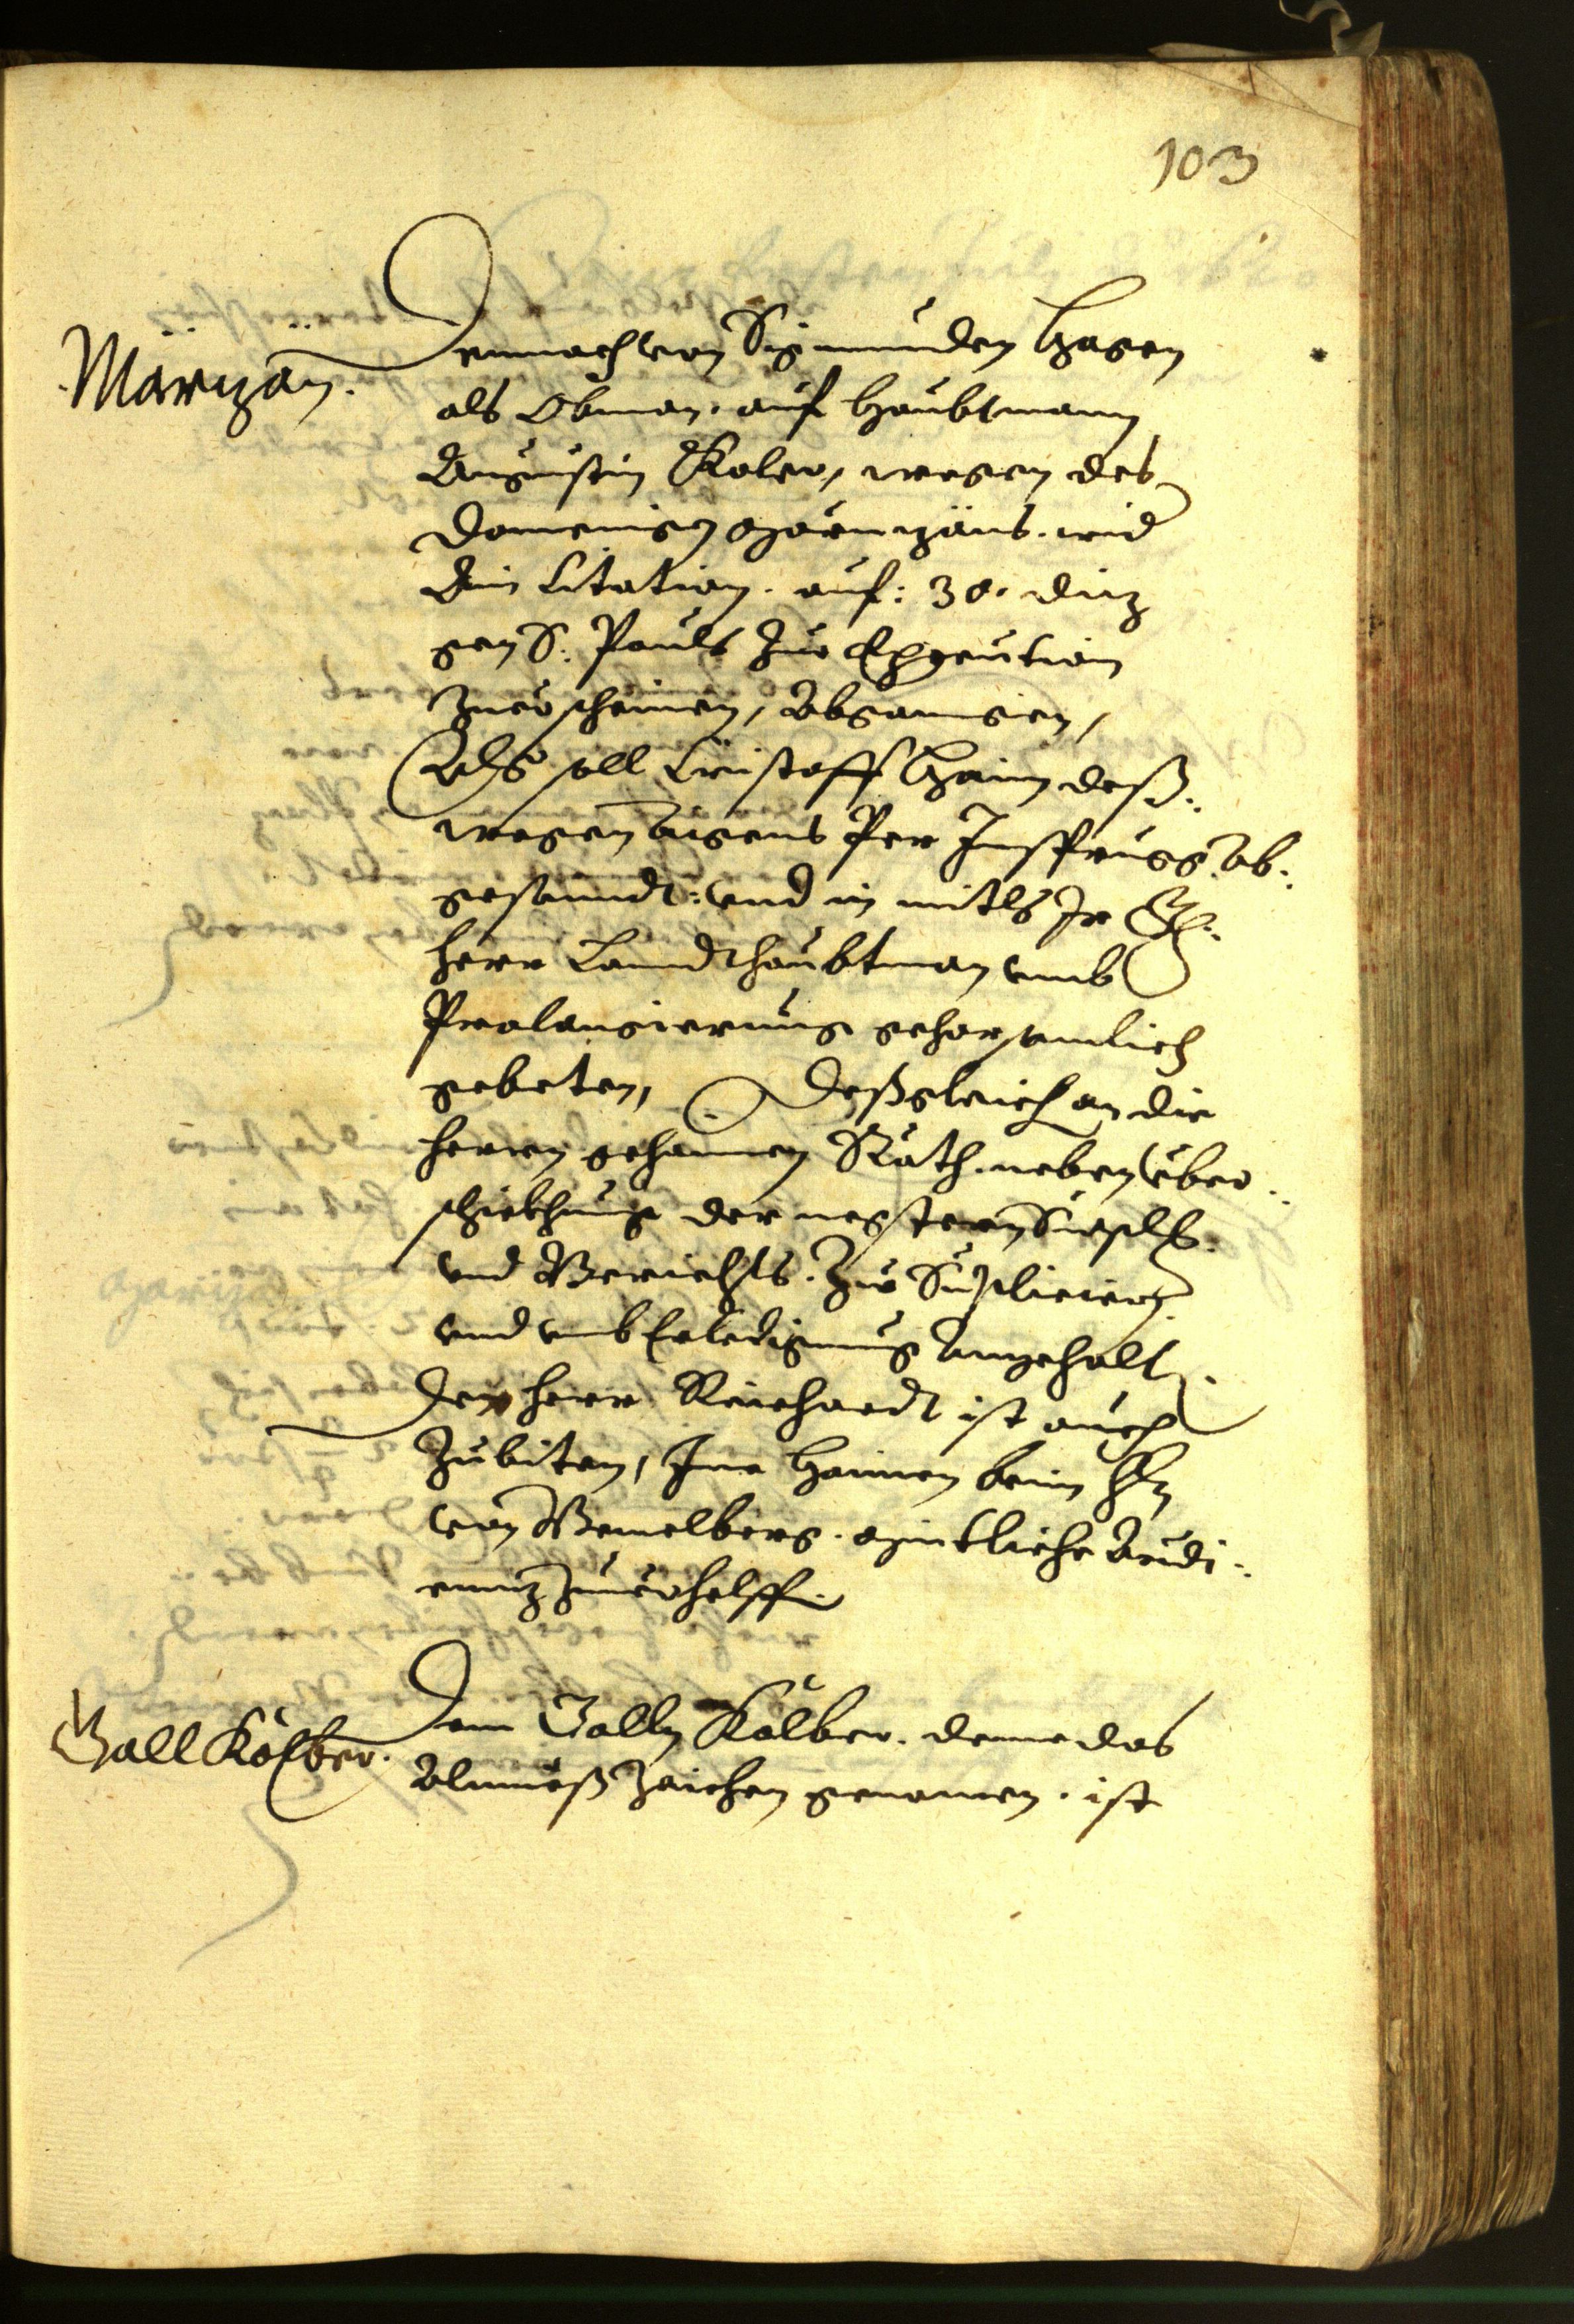103
Demnach von Sigmūnden Hagen
als Obman. aūf haūbtmann
Aūgūstin Koler, wegen des
Domenigen Mārnzäns. wid
Ain Citation. aūf: 30. diz
gen S: Paūls Zūr Execūtion
Zūerscheinen, Abganngen,
Als soll Cristoff Haim deß¬
wegen Aigens Per Insprūgg Ab¬
gesanndt: vnd in mitls Ir G:
herr Landthaūbtman vmb
Prolongierūng gehorsamlich
gebeten, Deßgleich an die
herrn gehaimen Rāth. neben v̄ber¬
schickhūng der negstern Sūpl
vnd Berichts. Zū Sūplicieren.
vnd vmb Erledigūng Angehalt
der herr Reichardt ist aūch
Zū biten, Ime Haimen beim hln
von Bemelberg. mintliche Aūdi¬
ennz Zūūerhelff.
Märzän.
Dem Galln Kōlber. deme das
Almūeß Zaichen genomen. ist
Gall Kōlber.